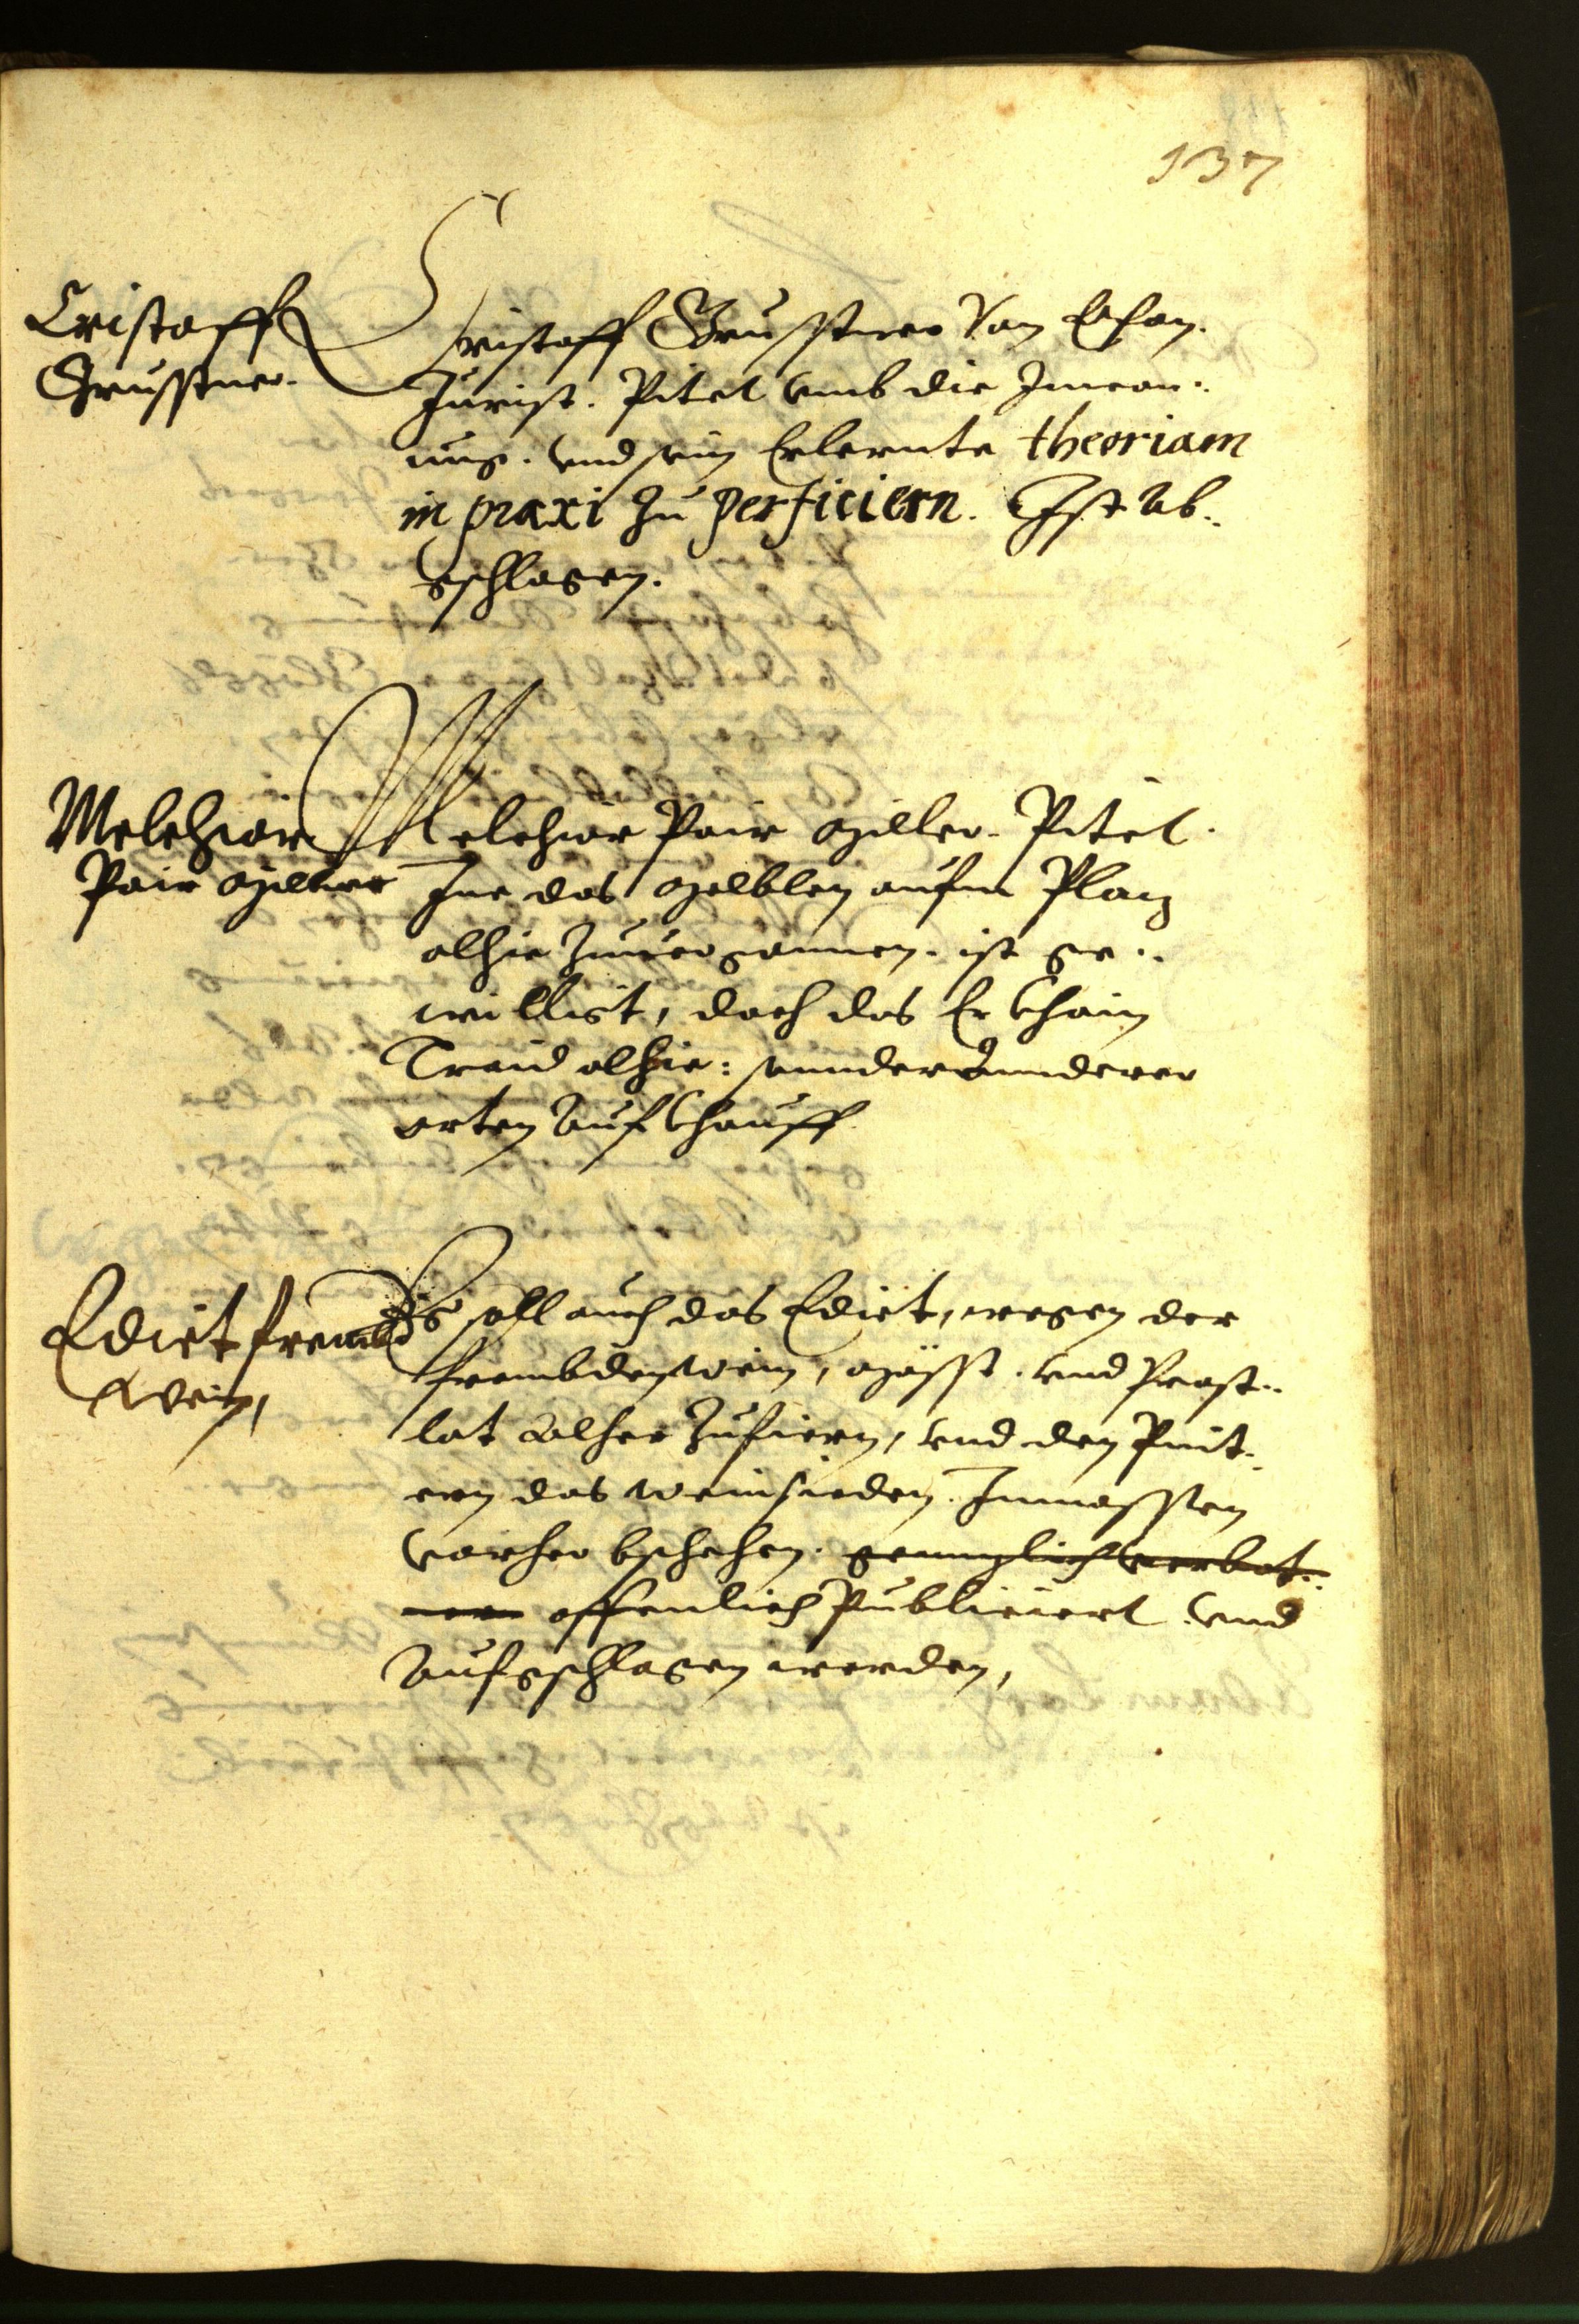137
Cristoff Grūsstner Von Epan.
Jūrist. Pitet vmd die Inwon¬
ūng. vnd sein Erlernte theoriam
in praxi Zū perficiern. Ist Ab¬
gschlagen.
Cristoff
Grūsstner.
Melchior Pair Miller. Pitet
Ine das Melblen aūfm Plaz
alhie Zūūergonnen. ist ge¬
willigt, doch das Er khain
Traid alhie: sonnder Annderer
Orten Aūfkhaūff.
Melchior
Pair Miller
Es soll aūch das Edict, wegen der
frembden Wein, Mösst. vnd Prost¬
lat Alher Zūfiern, vnd den Pint¬
ern das Weinsieden. Inmassen
vorher bschehen. gennzlich verbot¬
nern offenlich Pūbliciert. vnd
Aūfgschlagen werden,
Edict frembd
Wein,